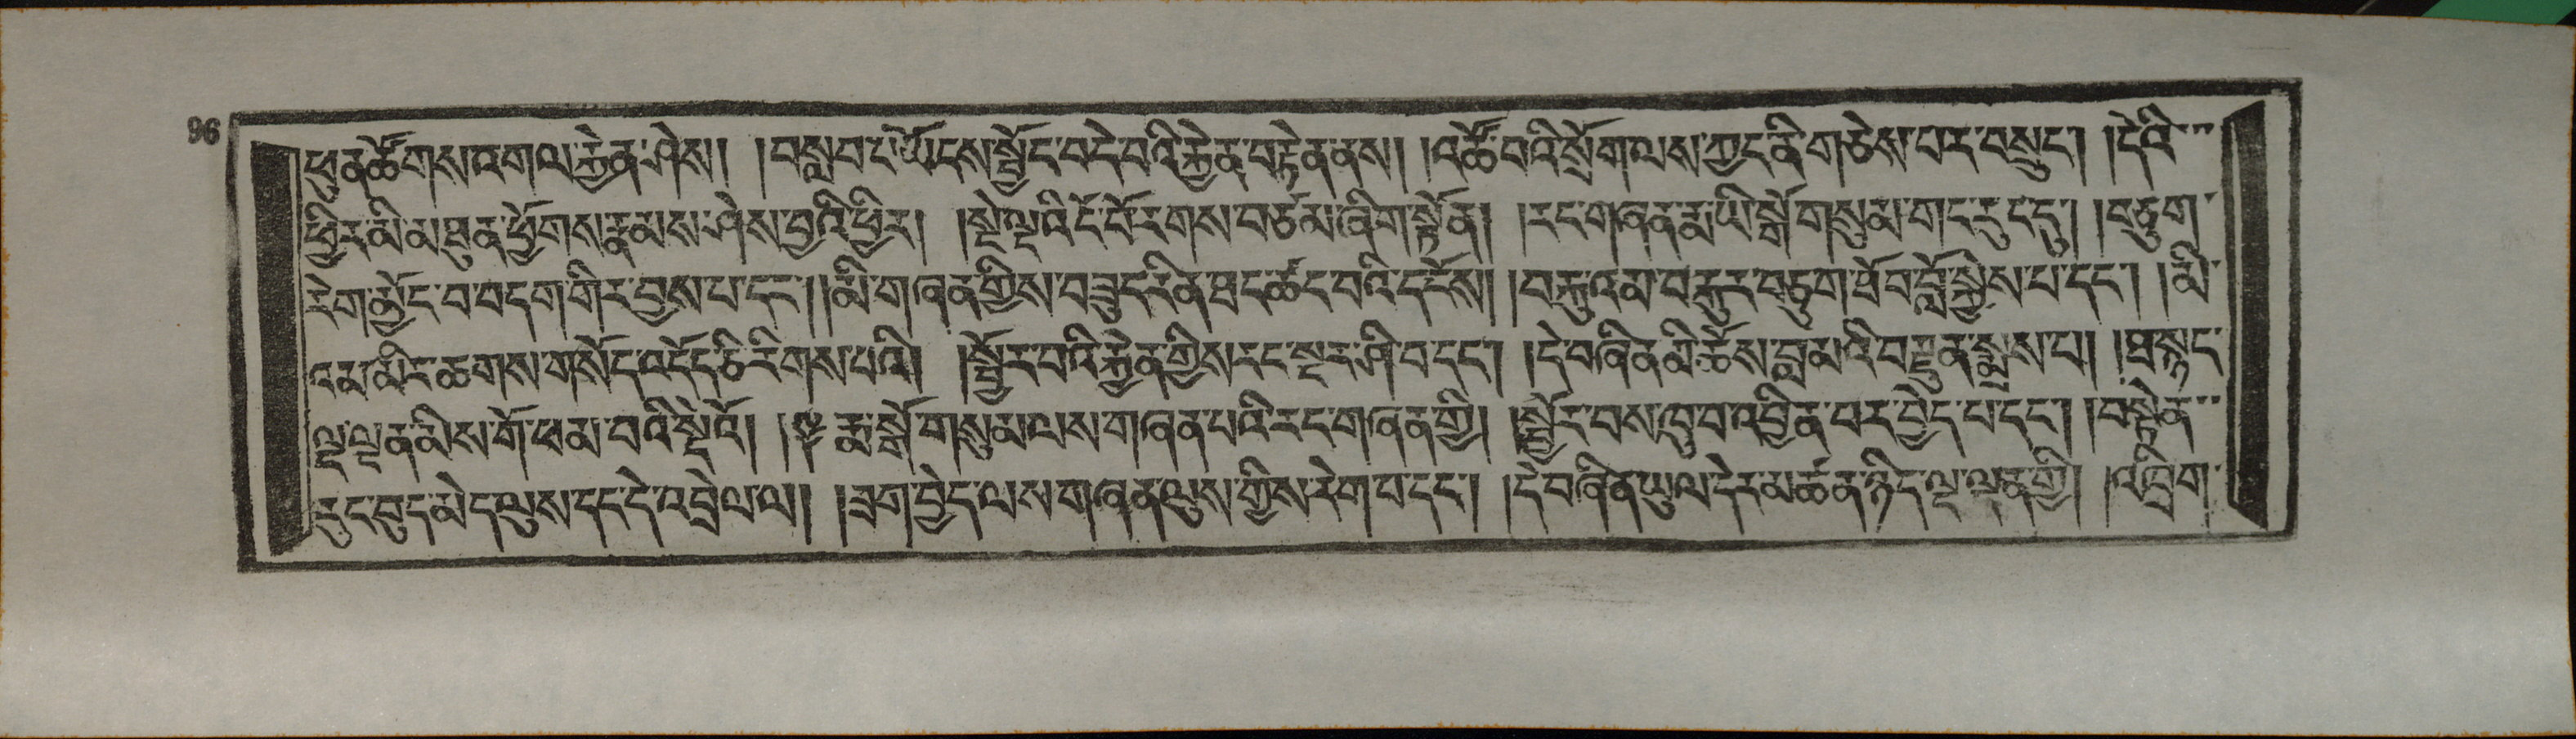ཕུན་ཚོགས་འགལ་རྐྱེན་ཤེས། །བསླབ་པ་ཡོངས་སྦྱོང་བདེ་བའི་རྐྱེན་བརྟེན་ནས། །འཚོ་བའི་སྲོག་ལས་ཀྱང་ནི་གཅེས་པར་བསྲུང་། །དེའི་
ཕྱིར་མི་མཐུན་ཕྱོགས་རྣམས་ཤེས་བྱའི་ཕྱིར། །སྡེ་ལྔའི་ངོ་བོ་རགས་བཙམ་ཞིག་སྟོན། །རང་གཞན་རྨ་ཡི་སྒོ་གསུམ་གང་རུང་དུ། །བཅུག་
རེག་མྱོང་བ་བདག་གིར་བྱས་པ་དང་། །མི་གཞན་གྱིས་བཟུང་རིན་ཐང་ཚང་བའི་དངོས། །བརྐུ་འམ་བརྐུར་བཅུག་ཐོབ་བློ་སྐྱེས་པ་དང་། །མི་
འམ་མིར་ཆགས་གསོད་འདོད་ཅི་རིགས་པའི། །སྦྱོར་བའི་རྐྱེན་གྱིས་རང་སྔར་ཤི་བ་དང་། །དེ་བཞིན་མི་ཆོས་བླ་མའི་བརྫུན་སྨྲས་པ། །ཐ་སྙད་
ལྔ་ལྡན་མིས་གོ་ཕམ་པའི་སྡེའོ། ། ༈ རྨ་སྒོ་གསུམ་ལས་གཞན་པའི་རང་གཞན་གྱི། །སྦྱོར་བས་ཁུ་བ་འབྱིན་པར་བྱེད་པ་དང་། །བསྟེན་
རུང་བུད་མེད་ལུས་དང་དེ་འབྲེལ་ལ། །ཟག་བྱེད་ལས་གཞན་ལུས་གྱིས་རེག་པ་དང་། །དེ་བཞིན་ཡུལ་དེར་མཚན་ཉིད་ལྔ་ལྡན་གྱི། །འཁྲིག་